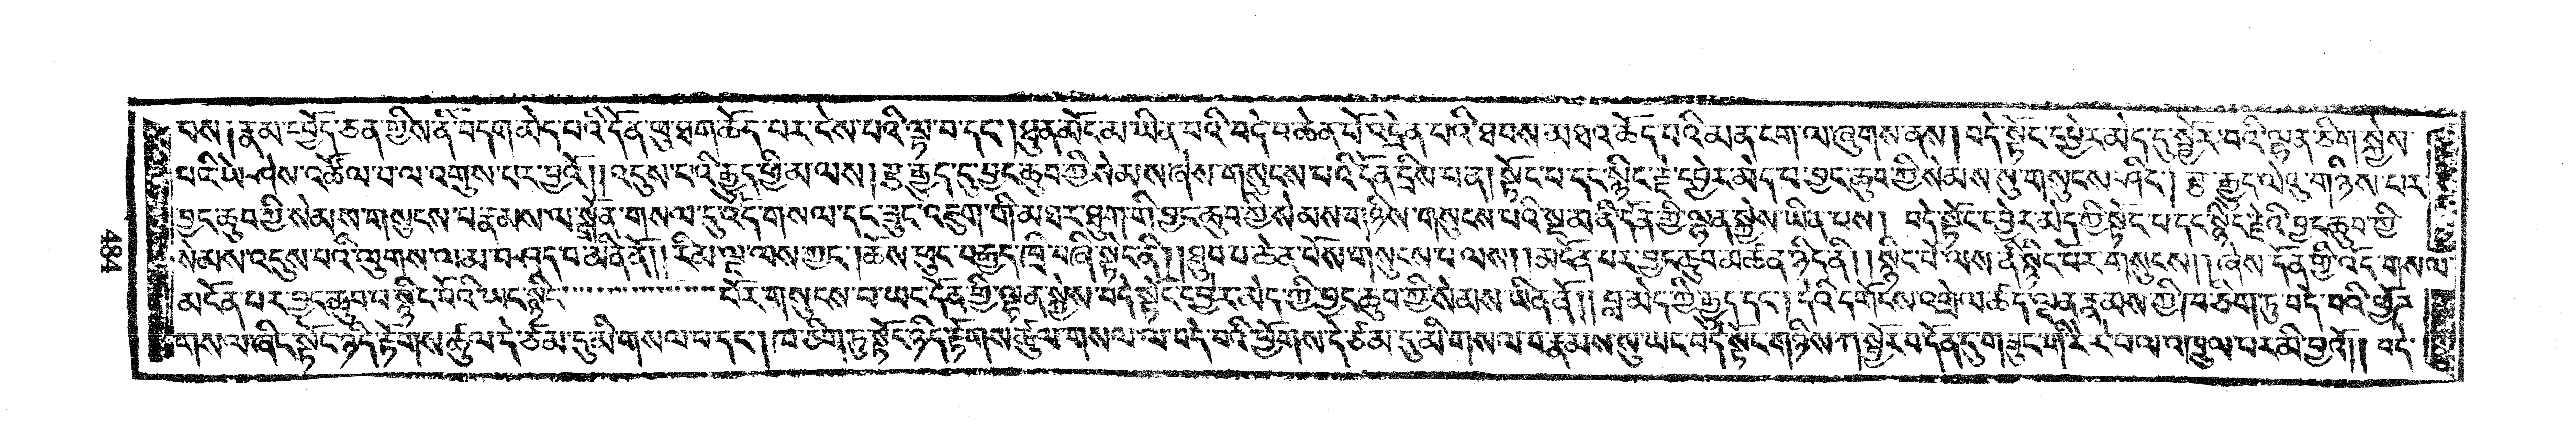པས། རྣམ་དཔྱོད་ཅན་གྱིས་ནི་བདག་མེད་པའི་དོན་ཕུ་ཐག་ཆོད་པར་ངེས་པའི་ལྟ་བ་དང་། ཐུན་མོང་མ་ཡིན་པའི་བདེ་བ་ཆེན་པོ་འདྲེན་པའི་ཐབས་མཐའ་ཆོད་པའི་མན་ངག་ལ་ཞུགས་ནས། བདེ་སྟོང་དབྱེར་མེད་དུ་སྦྱོར་བའི་ལྷན་ཅིག་སྐྱེས་
པའི་ཡེ་ཤེས་འཚོལ་བ་ལ་འགུས་པར་བྱའོ། །འདུས་པའི་རྒྱུད་ཕྱི་མ་ལས། རྩ་རྒྱུད་དུ་བྱང་ཆུབ་ཀྱི་སེམས་ཞེས་གསུངས་པའི་དོན་དྲིས་པ་ན། སྟོང་པ་དང་སྙིང་རྗེ་དབྱེར་མེད་པ་བྱང་ཆུབ་ཀྱི་སེམས་སུ་གསུངས་ཤིང་། རྩ་རྒྱུད་ལེའུ་གཉིས་པར་
བྱང་ཆུབ་ཀྱི་སེམས་གསུངས་པ་རྣམས་ལ་སྒྲོན་གསལ་དུ་འོད་གསལ་དང་ཟུང་འཇུག་གི་མཐར་ཐུག་གི་བྱང་ཆུབ་ཀྱི་སེམས་གཉིས་གསུངས་པའི་སྔ་མ་ནི་དོན་གྱི་ལྷན་སྐྱེས་ཡིན་པས། བདེ་སྟོང་དབྱེར་མེད་ཀྱི་སྟོང་པ་དང་སྙིང་རྗེའི་བྱང་ཆུབ་ཀྱི་
སེམས་འདུས་པའི་ལུགས་ལ་མ་བཤད་པ་མིན་ནོ། །རིམ་ལྔ་ལས་ཀྱང་། ཆོས་ཕུང་བརྒྱད་ཁྲི་བཞི་སྟོང་ནི། །ཐུབ་པ་ཆེན་པོས་གསུངས་པ་ལས། །མངོན་པར་བྱང་ཆུབ་མཚན་ཉིད་ནི། །སྙིང་པོ་ལས་ནི་སྙིང་པོར་གསུངས། །ཞེས་དོན་གྱི་འོད་གསལ་
མངོན་པར་བྱང་ཆུབ་པ་སྙིང་པོའི་ཡང་སྙིང་པོར་གསུངས་པ་ཡང་དོན་གྱི་ལྷན་སྐྱེས་བདེ་སྟོང་དབྱེར་མེད་ཀྱི་བྱང་ཆུབ་ཀྱི་སེམས་ཡིན་ནོ། །བླ་མེད་ཀྱི་རྒྱུད་དང་། དེའི་དགོངས་འགྲེལ་ཚད་ལྡན་རྣམས་ཀྱི་ཁ་ཅིག་ཏུ་བདེ་བའི་ཕྱོགས་
གསལ་ཞིང་སྟོང་ཉིད་རྟོགས་ཚུལ་དེ་ཙམ་དུ་མི་གསལ་བ་དང་། ཁ་ཅིག་ཏུ་སྟོང་ཉིད་རྟོགས་ཚུལ་གསལ་ལ་བདེ་བའི་ཕྱོགས་དེ་ཙམ་དུ་མི་གསལ་བ་རྣམས་སུ་ཡང་བདེ་སྟོང་གཉིས་ཀ་སྦྱོར་བ་དོན་དུ་གཟུང་གི་རེ་རེ་བ་ལ་འཁྲུལ་པར་མི་བྱའོ། །བདེ་